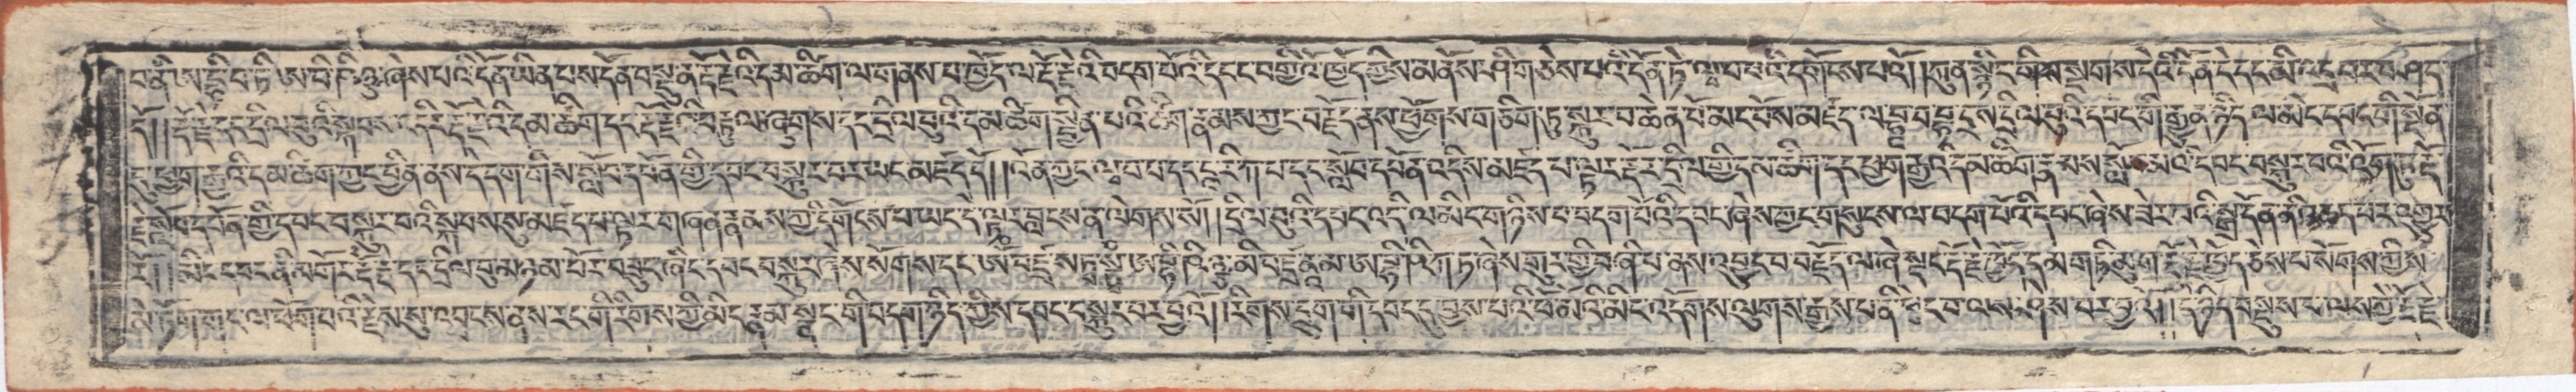བ་ནི་ཨ་དྷི་བ་ཏི་ཨ་བི་ཥིཉྩ་ཞེས་པའི་དོན་ཡིན་པས་དོན་བསྡུ་ན་རྡོ་རྗེའི་དམ་ཚིག་ལ་གནས་པ་ཁྱོད་ལ་རྡོ་རྗེའི་བདག་པོའི་དབང་བགྱིའོ་ཁྱོད་ཀྱིས་མནོས་ཤིག་ཅེས་པའི་དོན་ཏེ་ལྭ་བ་པའི་དགོངས་པའོ། །ཀུན་སྙིང་གིས་སྔགས་དེའི་དོན་དེ་དང་མི་འདྲ་བར་བཤད་
དོ། །རྡོ་རྗེ་དང་དྲིལ་བུའི་སྐབས་འདིར་རྡོ་རྗེའི་དམ་ཚིག་དང་རྡོ་རྗེའི་བརྟུལ་ཞུགས་དང་དྲིལ་བུའི་དམ་ཚིག་སྦྱིན་པའི་ཚིག་རྣམས་ཀྱང་བརྗོད་ནས་ཕྱོགས་གཅིག་ཏུ་སྐུར་བ་ཆེན་པོ་མང་པོས་མཛད་ལ་བྷཱ་བ་བྷ་དྲས་དྲིལ་བུའི་དབང་གི་རྒྱུན་ཉིད་ལ་མིང་དབང་གི་སྔོན་
དུ་ཕྱག་རྒྱའི་དམ་ཚིག་ཀྱང་བྱིན་ནས་དེ་དག་གིས་སློབ་དཔོན་གྱི་དབང་བསྐུར་བར་ཡང་མཛད་དོ། །འོན་ཀྱང་ལྭ་བ་པ་དང་དཱ་རི་ཀ་པ་དང་སློབ་དཔོན་འདིས་མཛད་པ་ལྟར་རྡོར་དྲིལ་གྱི་དམ་ཚིག་དང་ཕྱག་རྒྱའི་དམ་ཚིག་རྣམས་སློབ་མའི་དབང་བསྐུར་བའི་འོག་ཏུ་རྡོ་
རྗེ་སློབ་དཔོན་གྱི་དབང་བསྐུར་བའི་སྐབས་སུ་མཛད་པ་ལྟར་གཞན་རྣམས་ཀྱི་དགོངས་པ་ཡང་དེ་ལྟར་བླངས་ན་ལེགས་སོ། །དྲིལ་བུའི་དབང་འདི་ལ་མིང་གཉིས་པ་བདག་པོའི་དབང་ཞེས་ཀྱང་གསུངས་ལ་བདག་པོའི་དབང་ཞེས་ཟེར་བའི་སྒྲ་དོན་ནི་འཆད་པར་འགྱུར་
རོ། །མིང་དབང་ནི་མགོར་རྡོ་རྗེ་དང་དྲིལ་བུ་མཉམ་པོར་བཟུང་ཞིང་དབང་བསྐུར་ཞེས་སོགས་དང་ཨོཾ་བཛྲ་སཏྭ་སྟྭཾ་ཨ་བྷི་ཥིཉྩ་མི་བཛྲ་ནཱ་མ་ཨ་བྷི་ཥི་ཀ་ཏ་ཞེས་གུར་གྱི་བཞི་པ་ནས་འབྱུང་བ་བརྗོད་ལ་ཞེ་སྡང་རྡོ་རྗེ་ཁྱོད་དམ་གཏི་མུག་རྡོ་རྗེ་ཁྱོད་ཅེས་པ་སོགས་ཀྱིས་
མེ་ཏོག་གང་ལ་ཕོག་པའི་རྗེས་སུ་འབྲངས་ནས་རང་གི་རིགས་ཀྱི་མིང་རྣམ་སྣང་གི་བདག་ཉིད་ཀྱིས་དབང་བསྐུར་བར་བྱའོ། །རིགས་དྲུག་གི་དབང་དུ་བྱས་པའི་ཕོ་མོའི་མིང་འདོགས་ལུགས་རྒྱས་པ་ནི་ཕྲེང་བ་ལས་ཤེས་པར་བྱའོ། །དེ་ཉིད་བསྡུས་པ་ལས་ཀྱཻ་རྡོ་རྗེ་